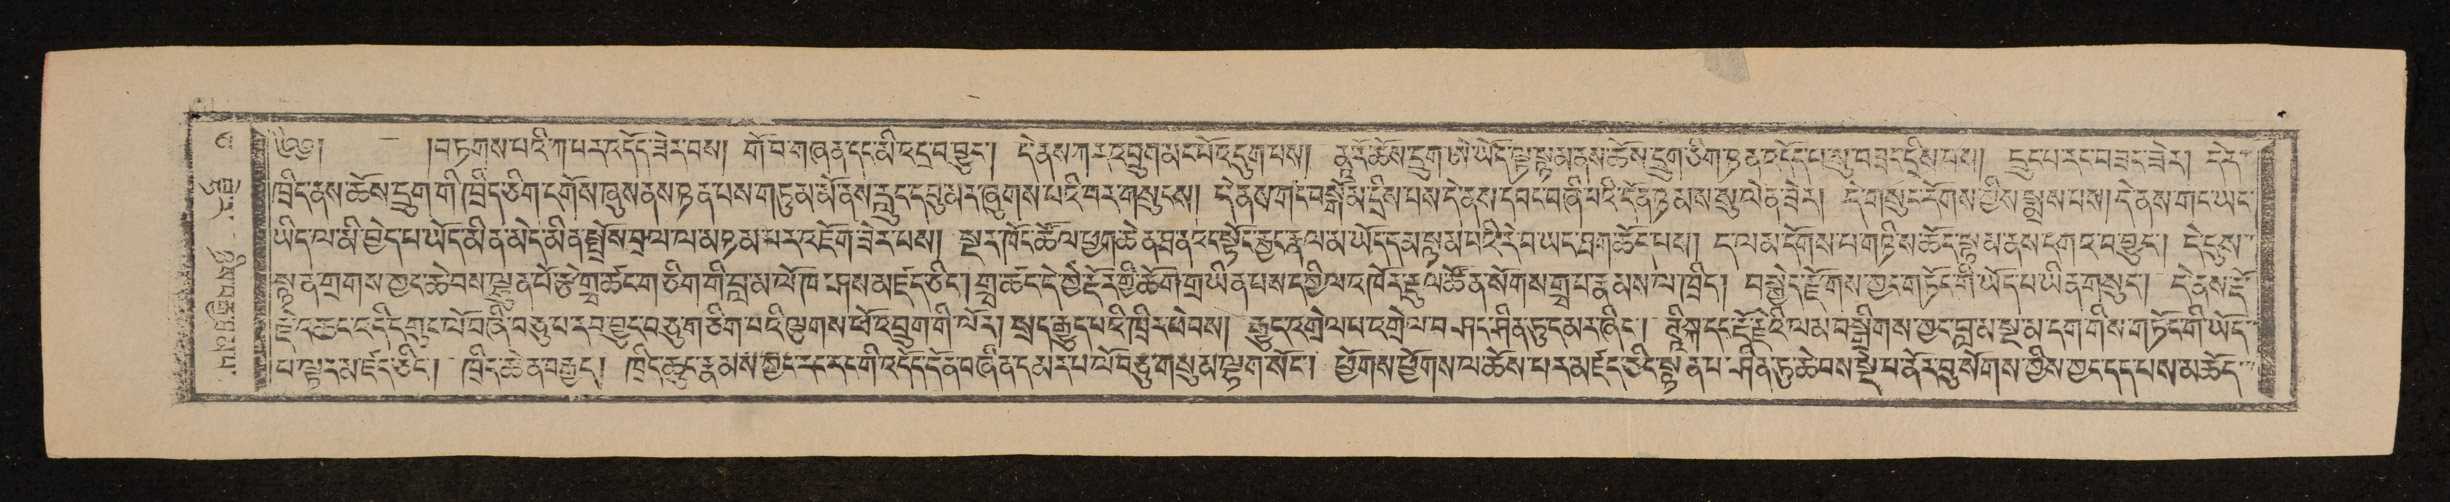༄༅། །བཏགས་པའི་ཀ་བར་འདོད་ཟེར་བས། གོ་བ་གཞན་དང་མི་འདྲ་བ་བྱུང་། དེ་ནས་ཀར་འབྲུག་མང་པོ་འདུག་པས། ནཱ་རོ་ཆོས་དྲུག་ཨེ་ཡོད་ལྟ་སྙམ་ནས་ཆོས་དྲུག་ཅིག་ཉན་འདོད་པ་སུ་བཟང་དྲིས་པས། དྲུང་པ་རང་བཟང་ཟེར། དེར་
ཁྲིད་ནས་ཆོས་དྲུག་གི་ཁྲིད་ཅིག་དགོས་ཞུས་ནས་ཉན་པས་གཏུམ་མོ་ནས་རླུང་དབུ་མར་ཞུགས་པའི་བར་གསུངས། དེ་ནས་གང་བསྒོམ་དྲིས་པས་དེ་ནས་དབང་བཞི་པའི་དོན་ཉམས་སུ་ལེན་ཟེར། དེ་གསུང་རོགས་ཀྱིས་སྨྲས་པས། དེ་ནས་གང་ཡང་
ཡིད་ལ་མི་བྱེད་པ་ཡོད་མིན་མེད་མིན་སྤྲོས་བྲལ་ལ་མཉམ་པར་འཇོག་ཟེར་པས། སྔར་ཁོང་ཚོ་ལ་ཕྱག་ཆེན་ཐ་ནའང་སྟོང་རྐྱང་རྣལ་མ་ཡོད་དམ་སྙམ་པའི་རེ་བ་ཡང་ཐག་ཆོད་པས། ད་ལམ་དོགས་པ་གཉིས་ཆོད་སྙམ་ནས་དགའ་བ་བྱུང་། དེ་དུས་
སྙན་གྲགས་ཀྱང་ཆེ་བས་ལྷུན་པོ་རྩེ་གྲྭ་ཚང་གཅིག་གི་བླ་མ་ལོ་ཁ་ཤས་མཛད་ཅིང་། གྲྭ་ཚང་དེ་ཀྱེ་རྡོར་གྱི་ཆོག་གྲ་ཡིན་པས་དཀྱིལ་འཁོར་རྡུལ་ཚོན་སོགས་གྲྭ་པ་རྣམས་ལ་ཁྲིད། བསྐྱེད་རྫོགས་ཀྱང་གཏོང་གི་ཡོད་པ་ཡིན་གསུང་། དེ་ནས་རྡོ་
རྗེ་འཆང་འདི་དགུང་ལོ་བཞི་བཅུ་པ་རབ་བྱུང་བཅུ་གཅིག་པའི་ལྕགས་ཕོ་འབྲུག་གི་ལོར། སྲད་རྒྱུད་པའི་ཁྲིར་ཕེབས། རྒྱུད་འགྲེལ་པ་འགྲེལ་བཤད་ཤིན་ཏུ་དམར་ཞིང་། ཊཱིཀྐ་དང་རྡོ་རྗེའི་ལམ་བསྒྲིགས་ཀྱང་བླ་མ་སྔ་མ་དག་གིས་གཏོང་གི་ཡོད་
བ་ལྟར་མཛད་ཅིང་། ཁྲིད་ཆེན་བརྒྱད། ཁྲིད་ཆུང་རྣམས་ཀྱང་རང་རང་གི་འདོད་དོན་བཞིན་དམར་བ་ལོ་བཅུ་གསུམ་ལྷག་སོང་། ཕྱོགས་ཕྱོགས་ལ་ཆོས་པར་མཛད་ཅིང་སྙན་པ་ཤིན་ཏུ་ཆེ་བས་སྡེ་པ་ནོར་བུ་སོགས་ཀྱིས་ཀྱང་དད་པས་མཆོད་